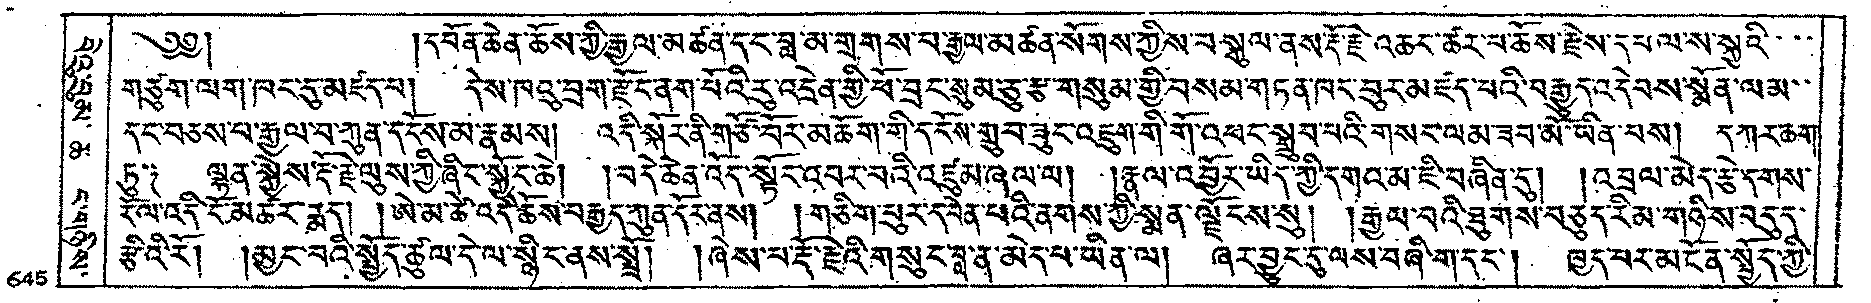༄༅། །དཔོན་ཆེན་ཆོས་ཀྱི་རྒྱལ་མཚན་དང་བླ་མ་གྲགས་པ་རྒྱལ་མཚན་སོགས་ཀྱིས་བསྐུལ་ནས་རྡོ་རྗེ་འཆང་ཚར་པ་ཆོས་རྗེས་དཔལ་ས་སྐྱའི་
གཙུག་ལག་ཁང་དུ་མཛད་པ། དེས་ཁའུ་བྲག་རྫོང་ནག་པོའི་རུ་འདྲེན་གྱི་ཕོ་བྲང་སུམ་ཅུ་རྩ་གསུམ་གྱི་བསམ་གཏན་ཁང་བུར་མཛད་པའི་བརྒྱུད་འདེབས་སྨོན་ལམ་
དང་བཅས་པ་རྒྱལ་བ་ཀུན་དངོས་མ་རྣམས། འདི་སྐོར་ནི་གཙོ་བོར་མཆོག་གི་དངོས་གྲུབ་ཟུང་འཇུག་གི་གོ་འཕང་སྒྲུབ་པའི་གསང་ལམ་ཟབ་མོ་ཡིན་པས། དཀར་ཆག་
ཏུ། ལྷན་སྐྱེས་རྡོ་རྗེ་ལུས་ཀྱི་ཞིང་སྐྱོང་ཆེ། །བདེ་ཆེན་འོད་སྟོང་འབར་བའི་འཛུམ་ཞལ་ལ། །རྣལ་འབྱོར་ཡིད་ཀྱི་དགའ་མ་ཇི་བཞིན་དུ། །འབྲལ་མེད་རྩེ་དགས་
རོལ་འདི་ངོ་མཚར་རྨད། །ཨེ་མ་ཚེ་འདི་ཆོས་བརྒྱད་ཀུན་དོར་ནས། །གཅིག་པུར་དབེན་པའི་ནགས་ཀྱི་སྨན་ལྗོངས་སུ། །རྒྱལ་བའི་ཐུགས་བཅུད་རིམ་གཉིས་བདུད་
རྩིའི་རོ། །མྱང་བའི་སྤྱོད་ཚུལ་དེ་ལ་སྙིང་ནས་སྤྲོ། །ཞེས་པ་རྡོ་རྗེའི་གསུང་བླ་ན་མེད་པ་ཡིན་ལ། ཞར་བྱུང་དུ་ལས་བཞི་ག་དང་། ཁྱད་པར་མངོན་སྤྱོད་ཀྱི་